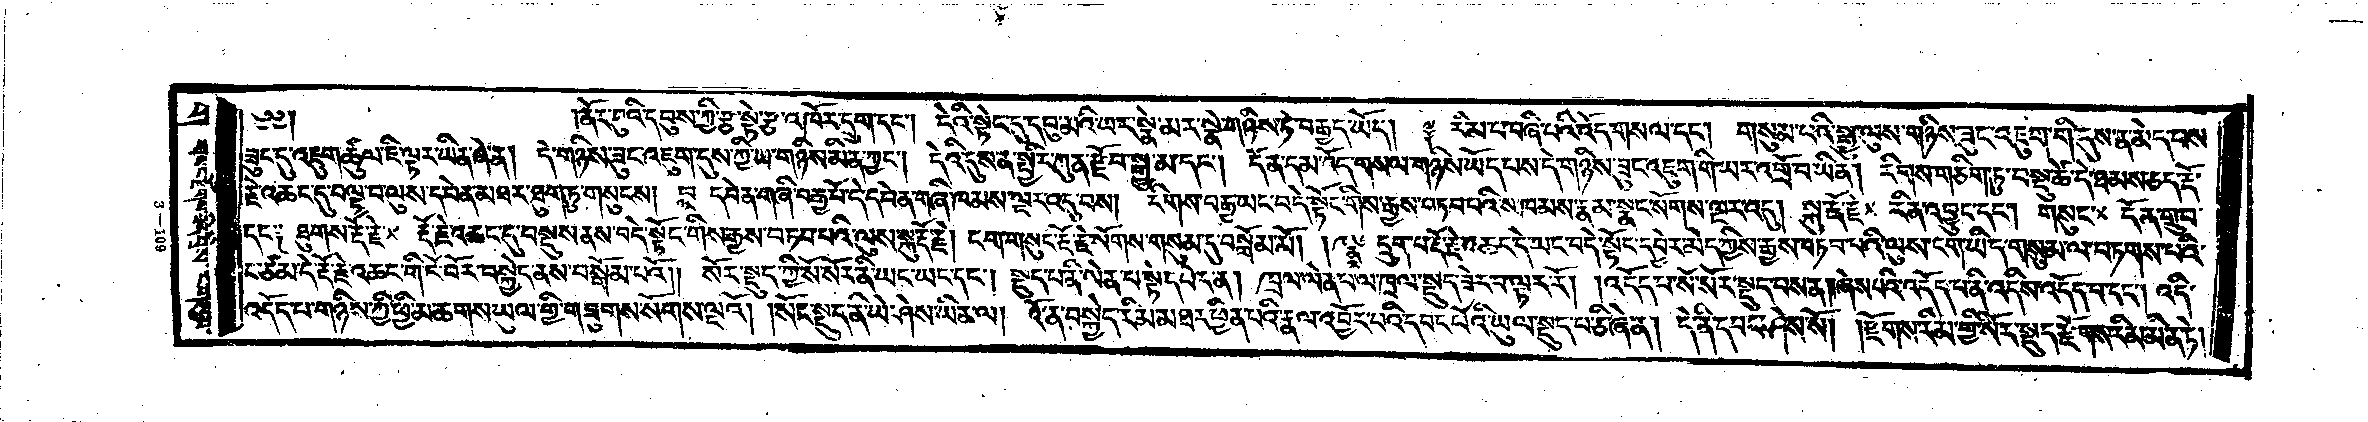༄༅། །ནོར་བུའི་དབུས་ཀྱི་རྩ་སྟེ་རྩ་འཁོར་དྲུག་དང་། དེའི་སྟེང་དུ་དབུ་མའི་ཡར་སྣེ་མར་སྣེ་གཉིས་ཏེ་བརྒྱད་ཡོད། ༈ རིམ་པ་བཞི་པའི་འོད་གསལ་དང་། གསུམ་པའི་སྒྱུ་ལུས་གཉིས་ཟུང་འཇུག་གི་དུས་ན་མེད་བས་
ཟུང་དུ་འཇུག་ཚུལ་ཇི་ལྟར་ཡིན་ཞེ་ན། དེ་གཉིས་ཟུང་འཇུག་དུས་ཀྱི་ཡ་གཉིས་མིན་ཀྱང་། དེའི་དུས་ན་སྤྱིར་ཀུན་རྫོབ་སྒྱུ་མ་དང་། དོན་དམ་འོད་གསལ་གཉིས་ཡོད་པས་དེ་གཉིས་ཟུང་འཇུག་གི་ཡར་འགྲོ་བ་ཡིན། རིགས་གཅིག་ཏུ་བསྡུ་ཚེ་དེ་ཐམས་ཅད་རྡོ་
རྗེ་འཆང་དུ་བལྟ་བ་ལུས་དབེན་མཐར་ཐུག་ཏུ་གསུངས། བ༣་དབེན་གཞི་བརྒྱ་པོ་དེ་དབེན་གཞི་ཁམས་ལྔར་འདུ་བ།ས་རིགས་བརྒྱ་ཡང་བདེ་སྟོང་གིས་རྒྱས་བཏབ་པའི་ས་ཁམས་རྣམ་སྣང་སོགས་ལྔར་འདུ། སྐུ་རྡོ་རྗེ྾་རིན་འབྱུང་དང་། གསུང྾་དོན་གྲུབ་
དང༑ ཐུགས་རྡོ་རྗེ྾་རྡོ་རྗེ་འཆང་དུ་བསྡུས་ནས་བདེ་སྟོང་གིས་རྒྱས་བཏབ་པའི་ལུས་སྐུ་རྡོ་རྗེ། ངག་གསུང་རྡོ་རྗེ་སོགས་གསུམ་དུ་བསྒོམ་མོ། །༩༦་དྲུག་པ་རྡོ་རྗེ་འཆང་དེ་ཡང་བདེ་སྟོང་དབྱེར་མེད་ཀྱིས་རྒྱས་བཏབ་པའི་ལུས་ངག་ཡིད་གསུམ། ལ་བཏགས་པའི་
ང་ཙམ་དེ་རྡོ་རྗེ་འཆང་གི་ངོ་བོར་བསྐྱེད་ནས་བསྒོམ་པའོ། །སོར་སྡུད་ཀྱི་སོ་སོར་ནི་ཡང་ཡང་དང་། སྡུད་པ་ནི་སེན་པ་སྟེ་དཔེར་ན། ཁྲལ་ལེན་པ་ལ་ཁྲལ་སྡུད་ཟེར་བལྟར་རོ། །འདོད་པ་སོ་སོར་སྡུད་བས་ན། ཞེས་པའི་འདོད་པ་ནི་འདིས་འདོད་པ་དང་། འདི་
འདོད་པ་གཉིས་ཀྱི་ཕྱི་མ་ཆགས་ཡུལ་གྱི་གཟུགས་སོགས་ལྔའོ། །སོང་སྡུད་ནི་ཡེ་ཤེས་ཡིན་ལ། འོ་ན་བསྐྱེད་རིམ་མཐར་ཕྱིན་པའི་རྣལ་འབྱོར་པའི་དབང་པོའི་ཡུལ་སྡུད་པ་ཅི་ཞེ་ན། དེ་ནི་དབང་ཤེས་སོ། །རྫོགས་རིམ་གྱི་སོར་སྡུད་རྫོགས་རིམ་མིན་ཏེ།